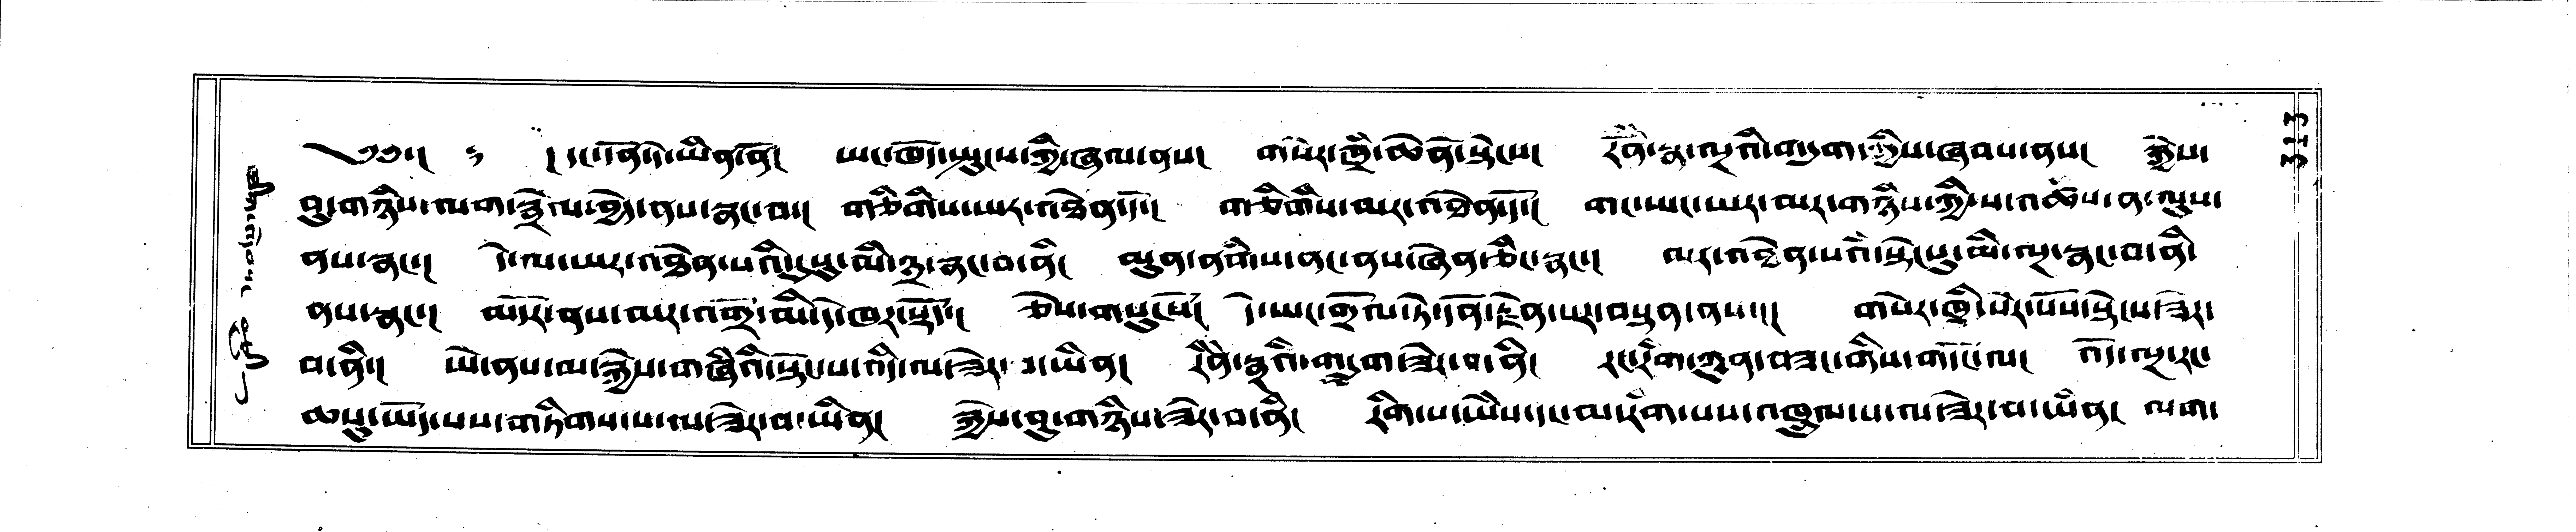དང་དོན་དེ་ཡིན་ནོ། ཡང་ཁོད་སྤུངས་ཀྱིས་ཞལ་ནས། གསེར་ཁྲི་ཆེན་པོའི་སྟེང་། རིན་ཆེན་སྣ་ལྔའི་གདུགས་ཀྱི་ཞབས་ན། སྐྱེས་
བུ་གཉིས་ལགས་༼ལག༽སྦྲེལ་བྱས་ནས་སྣང་བ། ཅིག་གིས་ཡར་འཐེན་དྷོ། ཅིག་གིས་མར་འཐེན་དྷོ། གང་ཡང་ཡར་མར་གཉིས་ཀྱི་འཚམས་སུ་ལུས་
ནས་སྣང་། དེ་ལ་ཡར་འཐེན་པའི་སྡོངས་སུ་མི་གསུམ་སྣང་བ་ནི། མུན་ནག་གིས་ནང་ནས་ཞན་ཞིང་སྣང་། མར་འཐེན་པའི་སྡོངས་སུ་མི་ལྔ་སྣང་བ་ནི། 
ནས་སྣང་། མདོར་ན་མར་ལ་འགྲོ་མི་དེ་ཁས་དྲག་དྷོ་ཅེས་གསུངས། བཀྲོལ་ཏེ་དོན་རྗེན་པར་བསྟན་ན། གསེར་ཁྲི་ཆེན་པོའི་སྟེང་ཟེར་
བ་ནི། ཡེ་ནས་མ་སྐྱེས་ཀུན་གཞི་སྟོང་པ་འདི་ལ་ཟེར་བ་ཡིན། རིན་པོ་ཆེ་སྣ་ལྔའི་གདུག་ཟེར་བ་ནི། རང་རིག་ཀུན་བཟང་གི་ངང་ལས་འོད་ལྔ་རང་
ཆས་སུ་བཏིབ་ནས་ཡོད་པ་ལ་ཟེར་བ་ཡིན། སྐྱེས་བུ་གཉིས་ཟེར་བ་ནི། རིག་པའི་ཡེ་ཤེས་དང་། མ་རིག་པའི་འཁྲུལ་པ་ལ་ཟེར་བ་ཡིན། ལག་